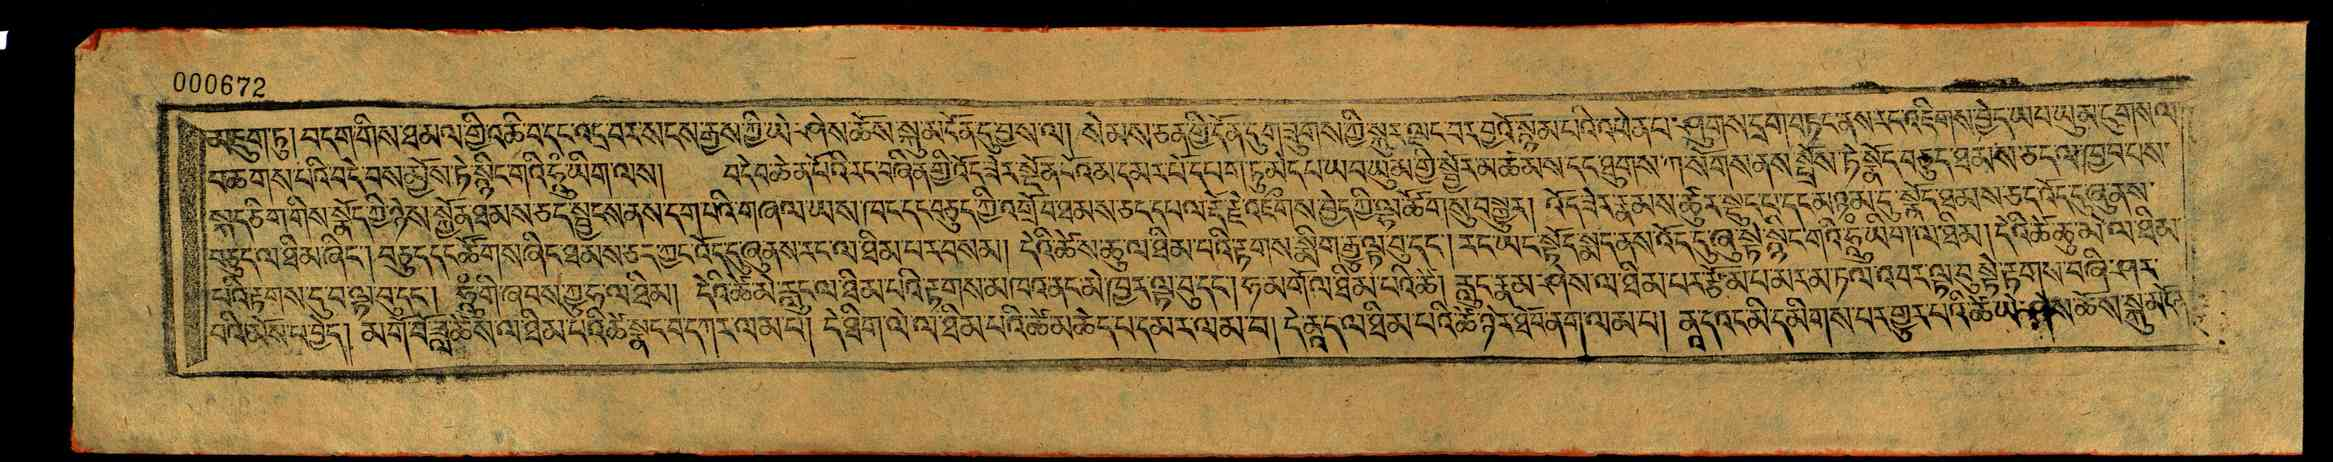མཇུག་ཏུ། བདག་གིས་ཐ་མལ་གྱི་འཆི་བ་དང་འདྲ་བར་སངས་རྒྱས་ཀྱི་ཡེ་ཤེས་ཆོས་སྐུ་མངོན་དུ་བྱས་ལ། སེམས་ཅན་གྱི་དོན་དུ་གཟུགས་ཀྱི་སྐུར་ལྡང་བར་བྱའོ་སྙམ་པའི་འཕེན་པ་བཤུགས་དྲག་བཏང་ནས་རང་འཇིགས་བྱེད་ཡབ་ཡུམ་དུ་གསལ་
བ་ཆགས་པའི་བདེ་བས་མྱོས་ཏེ་སྙིང་གའི་ཧཱུཾ་ཡིག་ལས། བདེ་བ་ཆེན་པོའི་རང་བཞིན་གྱི་འོད་ཟེར་སྔོན་པོའམ་དམར་པོ་དཔག་ཏུ་མེད་པ་ཡབ་ཡུམ་གྱི་སྦྱོར་མཚམས་དང་ཐུགས་ཀ་སོགས་ནས་སྤྲོས་ཏེ་སྣོད་བཅུད་ཐམས་ཅད་ལ་ཁྱབ་པས་
སྐད་ཅིག་གིས་སྣོད་ཀྱི་ཉེས་སྐྱོན་ཐམས་ཅད་སྦྱངས་ནས་དག་པའི་གཞལ་ཡས་ཁང་དང་བཅུད་ཀྱི་འགྲོ་བ་ཐམས་ཅད་དཔལ་རྡོ་རྗེ་འཇིགས་བྱེད་ཀྱི་ལྷ་ཚོགས་སུ་བསྒྱུར། འོད་ཟེར་རྣམས་ཚུར་སྡུད་པ་དང་མཉམ་དུ་སྣོད་ཐམས་ཅད་འོད་དུ་ཞུ་ནས་
བཅུད་ལ་ཐིམ་ཞིང་། བཅུད་དང་ཚོགས་ཞིང་ཐམས་ཅད་ཀྱང་འོད་དུ་ཞུ་ནས་རང་ལ་ཐིམ་པར་བསམ། དེའི་ཚེས་ཆུ་ལ་ཐིམ་པའི་རྟགས་སྨིག་རྒྱུ་ལྟ་བུ་དང་། རང་ཡང་སྟོད་སྨད་ནས་འོད་དུ་ཞུ་སྟེ་སྙིང་གའི་ཧཱུཾ་ཡིག་ལ་ཐིམ། དེའི་ཚེ་ཆུ་མ་ལ་ཐིམ་
པའི་རྟགས་དུ་བ་ལྟ་བུ་དང་། ཧཱུཾ་གི་ཞབས་ཀྱུ་ཧ་ལ་ཐིམ། དེའི་ཚེ་མེ་རླུང་ལ་ཐིམ་པའི་རྟགས་མཁའ་ནང་མེ་ཁྱེར་ལྟ་བུ་དང་། ཧ་མགོ་ལ་ཐིམ་པའི་ཚེ། རླུང་རྣམ་ཤེས་ལ་ཐིམ་པར་རྩོམ་པ་མར་མེ་ཏ་ལ་འབར་ལྟ་བུ་སྟེ་རྟགས་བཞི་ཤར་
བའི་མོས་པ་བྱེད། མགོ་བོ་ཟླ་ཚེས་ལ་ཐིམ་པའི་ཚེ་སྣང་བ་དཀར་ལམ་པ། དེ་ཐིག་ལེ་ལ་ཐིམ་པའི་ཚེ་མཆེད་པ་དམར་ལམ་པ། དེ་ནཱ་ད་ལ་ཐིམ་པའི་ཆེ་ཉེར་ཐོབ་ནག་ལམ་པ། ནཱ་དའང་མི་དམིགས་པར་གྱུར་བའི་ཚེ་ཡེ་ཤེས་ཆོས་སྐུ་མངོན་